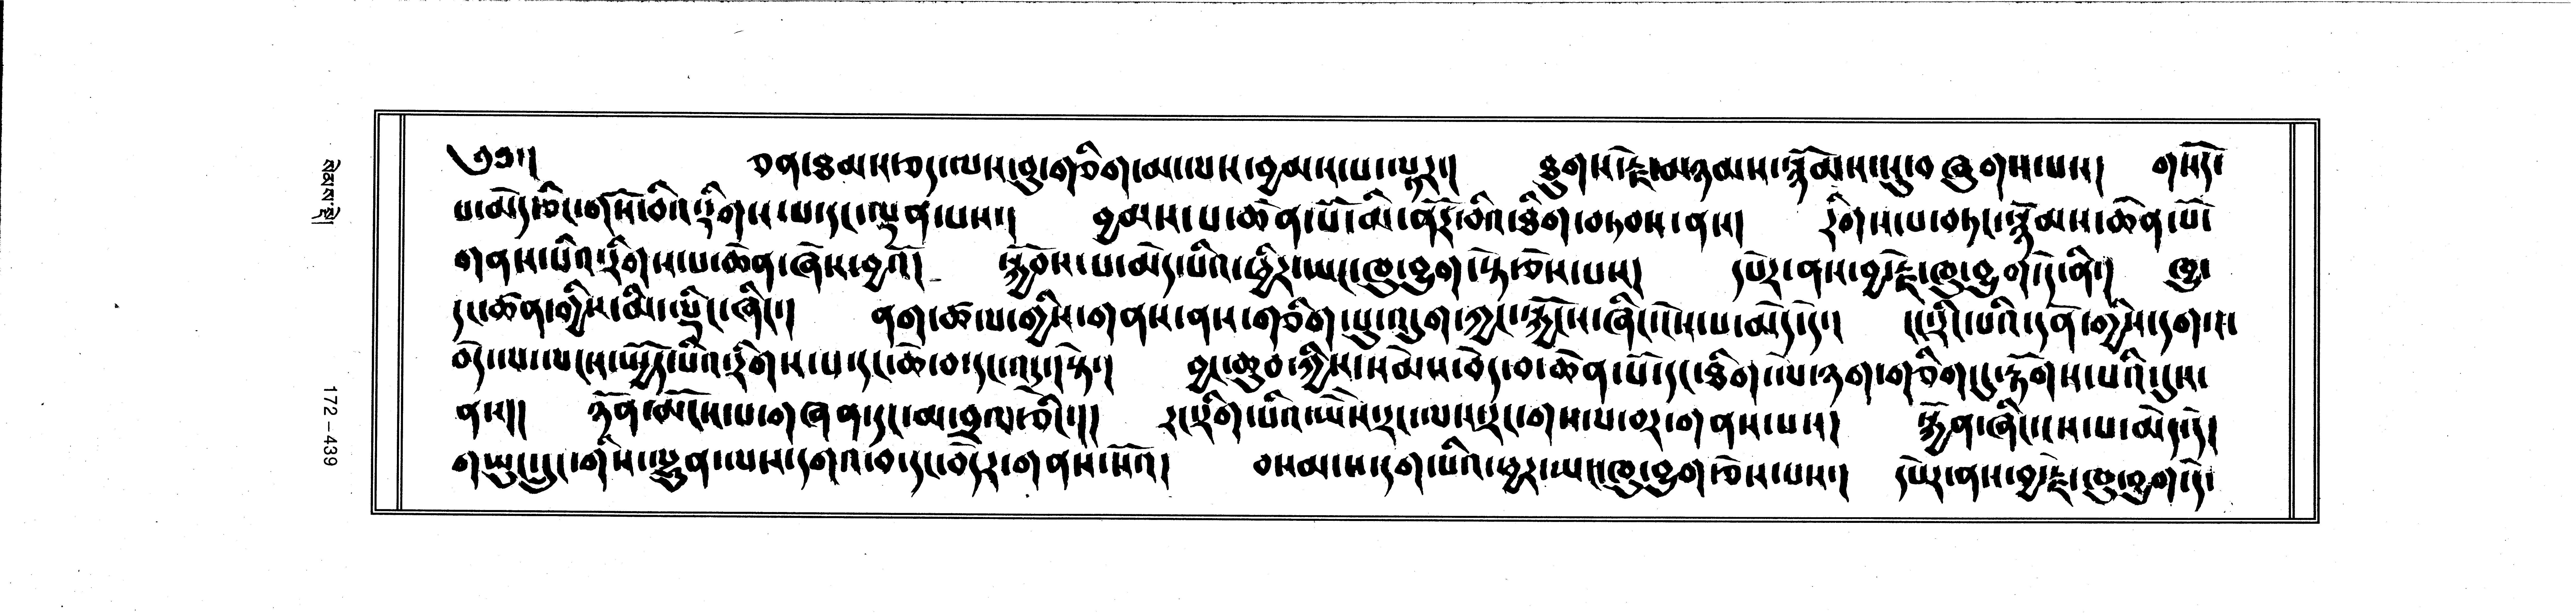ཅན་ཐམས་ཅད་ལས་བུ་གཅིག་མ་ལས་བྱམས་པ་ལྟར། ཐུགས་རྗེ་མཉམ་སྙོམས་སུ་བཞུགས་པས། གསོད་
པ་མེད་ཅིང་གསོ་བའི་རིགས་པ་དང་ལྡན་པས། བྱམས་པ་ཆེན་པོ་མི་ནོར་བའི་ཐིག་བཏབས་ནས། རིགས་པ་བཏང་སྙོམས་ཆེན་པོ་
གནས་པའི་རིགས་པ་ཆེན་ཞེས་བྱའོ། སྐྱོབས་པ་མེད་པའི་ཕྱིར་ཡང་ཁུ་བྱུག་སྟེ་ཅེས་པས། དཔེར་ནས་བྱ་རྗེ་ཁུ་བྱུག་དེ་ནི། ཁྱུ་
དང་ཚན་གྱིས་མི་ལྡིང་ཞིང་། ནགས་ཚལ་གྱིས་གནས་ནས་གཅིག་པུ་འདུག་ཀྱང་སྐྱོང་ཞིང་ངེས་པ་མེད་དེ། ངང་རིང་པའི་དོན་གྱིས་དགའ་
བདེ་ལ་ལངས་སྤྱོད་པའི་རིགས་པ་དང་ཆེ་བ་དང་འདྲ་སྟེ། བྱང་ཆུབ་ཀྱིས་སེམས་བདེ་བ་ཆེན་པོ་དང་ཐིག་ལེ་ཉག་གཅིག་དུ་རྟོགས་པའི་དུས་
ནས། ཉོན་མོངས་པ་གཞན་དང་མ་བྲལ་ཅིང་། རང་རིག་པའི་ཡེ་ཤེས་རང་ལས་རང་གསལ་བར་གནས་པས། སྐྱོང་ཞིང་ངེས་པ་མེད་དེ། 
གཡུང་དྲུང་གིས་ལྷུན་ལས་དགའ་བ་དང་བདེར་གནས་སོའ། བསམ་པ་དག་པའི་ཕྱིར་ཡང་ཁུ་བྱུག་ཅེས་པས། དཔེར་ནས་བྱ་རྗེ་ཁུ་བྱུག་དེ་ནི།